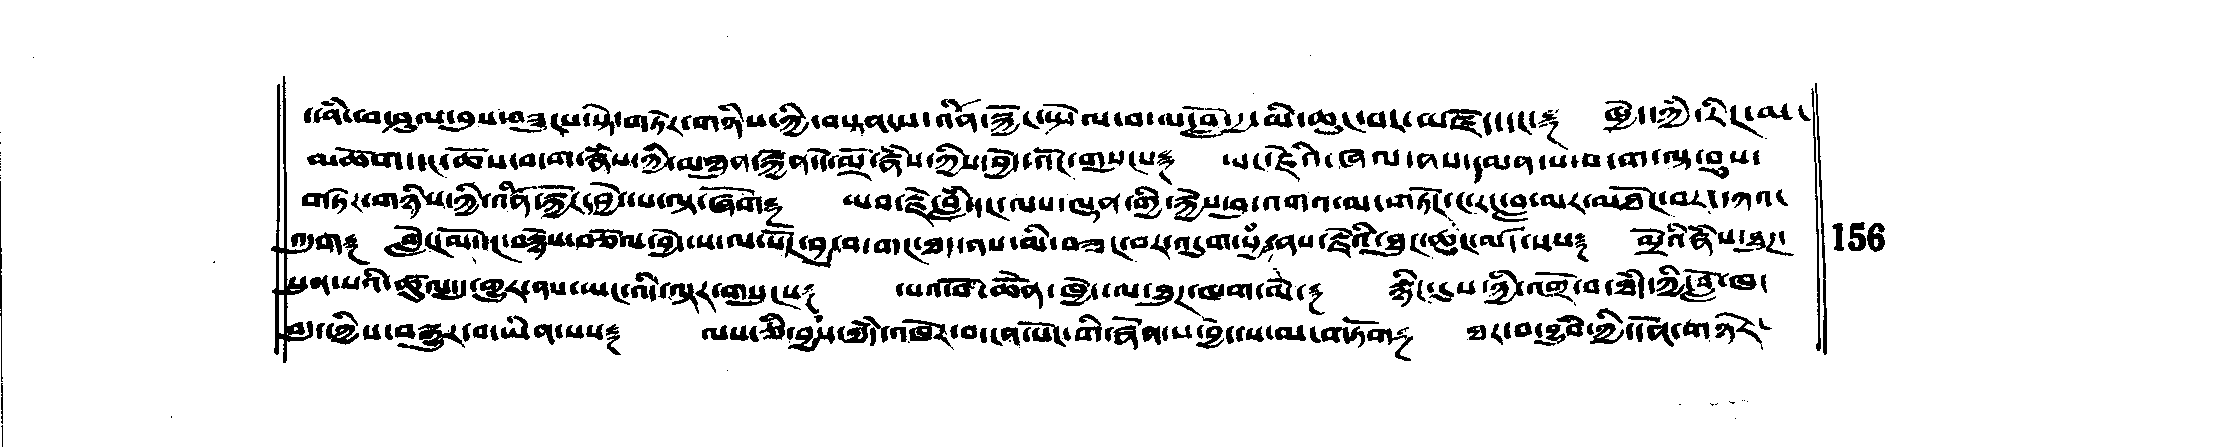ད་ནི་ཕ་ཤུལ་བུས་བཟུང་སྟེ་གཏེར་གཉིས་ཀྱི་བསྟན་པ་འཛིན་སྐྱོང་སྤེལ་བ་ལ་བློ་རྒྱ་མི་ཆུང་བར་མཛོད་དང་། ཁྱེད་ཀྱི་རིག་མ་
མཆོག་དང་ཆོས་བདག་རྣམས་ཀྱི་མཐུན་རྐྱེན་དེ་མཁའ་འགྲོ་རྣམས་ཀྱིས་བྱེད་འོང་གསུངས། ཡང་རྗེའི་ཞལ་ནས་དམན་པ་བདག་ལྟ་བུས་
གཏེར་གཉིས་ཀྱི་འཛིན་སྐྱོང་བྱེད་པ་ལྟ་ཞོག ཡབ་རྗེ་བླ་མ་དང་ལས་ལྡན་གྱི་སྐྱེས་བུ་འགའ་མ་གཏོགས་ང་རང་བླ་མར་མཐོང་བར་དཀའ་
འདུག གླེང་མོ་དང་བརྙས་བཅོས་བྱེད་པ་ལ་སོགས་བྱ་བ་གང་ཐད་ནས་མི་བཟང་བར་འདུག་གསུང་ནས་རྗེའི་ཐུགས་ཆུང་མཛད་པས། མཁའ་འགྲོ་རྣམས་ཐུགས་
སུན་པའི་ཚུལ་དུ་གྱུར་ནས་ཡང་འདི་ལྟར་གསུངས། དཔའ་བོ་ཆེན་པོ་ཁྱེད་ལ་ཐུགས་ཁག་མེད། སྙིགས་དུས་ཀྱི་འགྲོ་བ་ཐམས་ཅད་ཀྱི་བློ་ཁ་
བདུད་ཀྱིས་བསྒྱུར་བ་ཡིན་པས། ལས་ཅི་བྱས་ཐམས་ཅད་འཁོར་བ་ངན་སོང་གི་སྣོན་པ་བྱེད་པ་མ་གཏོགས་ཐར་པ་བྱང་ཆུབ་ཀྱི་དོན་གཉེར་